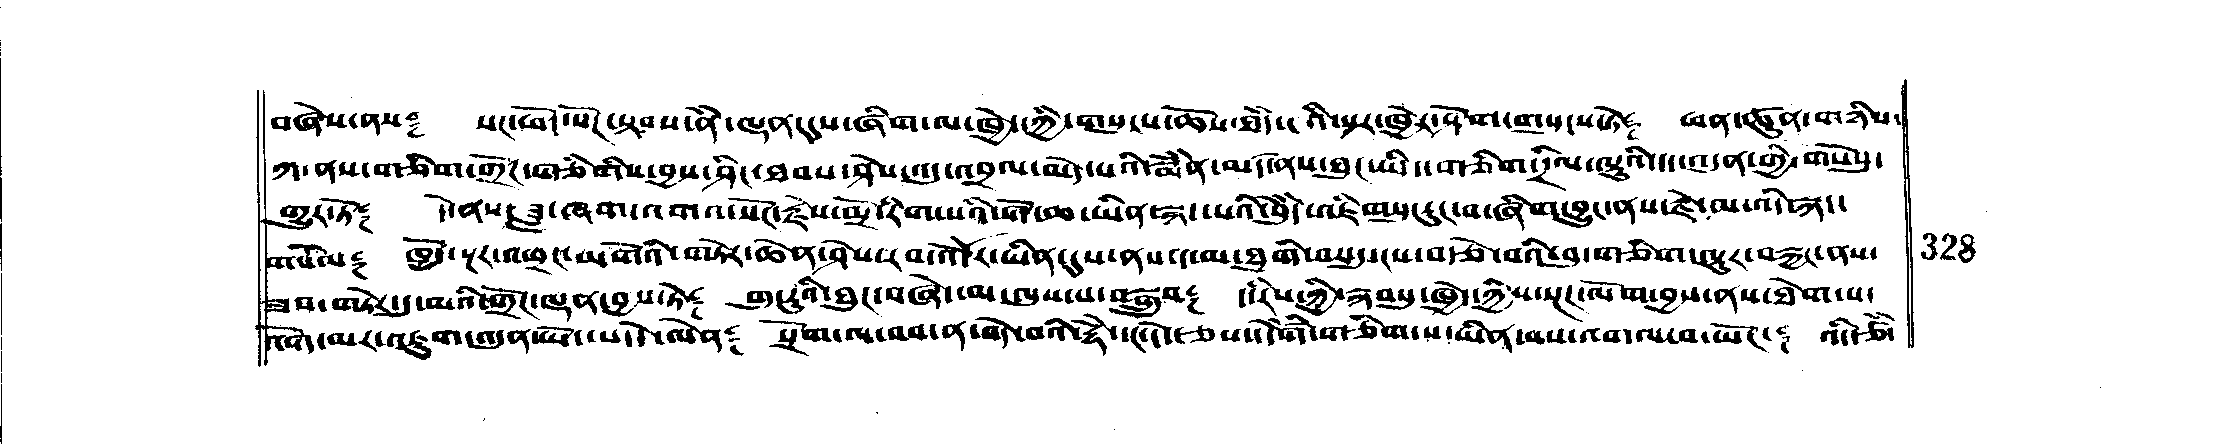བཞེས་ནས། སང་ཕོད་སོགས་སྟབས་ནམ་ལྡན་དུས་ཞིག་ལ་ཁྱེད་ཀྱི་གསུངས་ཆོས་ཐམས་ཅད་ངའི་སར་ཁྱེར་ཤོག་གསུངས་ཏེ། ཕན་ཚུན་གཉིས་
ཀ་ནས་གཅིག་གྲོགས་གཅིག་གིས་བྱས་ཤིང་ཐབས་ཤེས་འདུ་འབྲལ་མེད་པའི་སྨོན་ལམ་མཛད་ནས་ཐུགས་ཡིད་གཅིག་དྲིལ་ལྟ་བུའི་དད་འདུན་གྱི་གསོས་སུ་
གྱུར་ཏོ།དེ་ནས་ཟླ་ཞག་འགའ་སོང་རྗེས་མཁའ་འགྲོ་རིག་པའི་གོ་ཆ་ཡིན་སྐད་པའི་བུད་མེད་འཇིགས་སུ་རུང་བ་ཞིག་བྱུང་ནས་རྗེ་ལ་འདི་སྐད་
གསོལ། ཁྱོད་སྔར་འཕྲང་མགོའི་གཏེར་ཆེན་ཤེས་རབ་འོད་ཟེར་ཡིན་དུས་ནས་ད་ལ་ཐུག་གི་བར་དུ་ངས་བརྩེ་བའི་བུ་གཅིག་ལྟ་བུར་བསྐྱངས་ནས་
ཟབ་གཏེར་དུ་མའི་གྲོགས་ལྡན་བྱས་ཏེ། གུ་རུའི་ཐུགས་བཞེད་མ་ལུས་པ་བསྒྲུབ། ད་རིས་ཀྱི་སྐབས་སུ་ཁྱེད་ཀྱི་སྔགས་ལོག་བྱས་ནས་ཐེག་པ་
འོག་མར་འཇུག་འདུན་ཡོད་པ་དེ་ལེན། སྲོག་ལ་བབ་ན་བདེ་བའི་རྡོ་རྗེ་དང་ངེད་བཅས་དམ་ཚིག་གཅིག་པ་ཡིན་པས་འགལ་བ་ཡོང་། འདི་ཙམ་